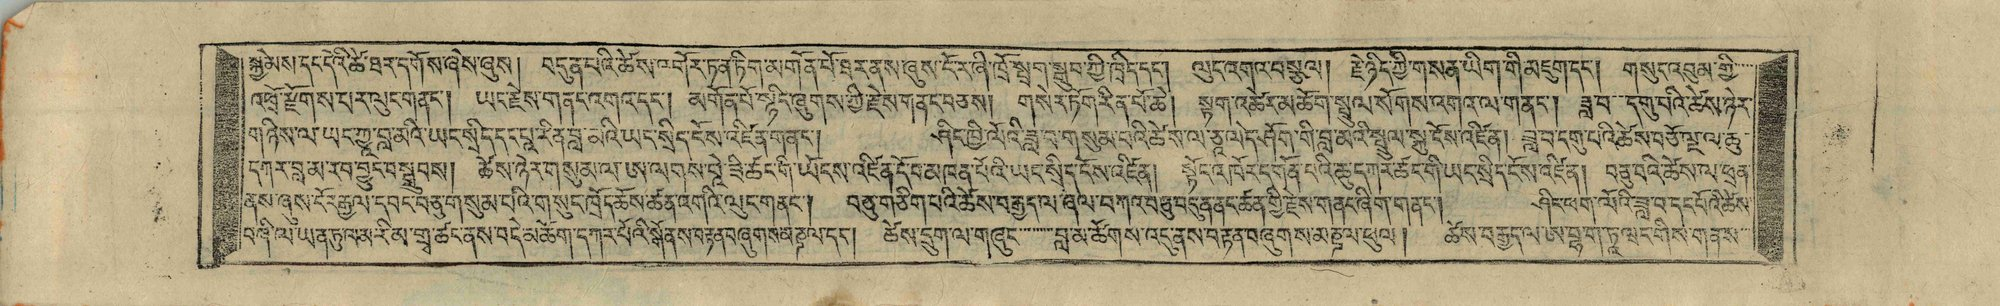སྐྱེམས་དང་དེའི་ཚེ་ཐར་དགོས་ཞེས་ཞུས། བདུན་པའི་ཚེས་འགོར་ཏན་ཏིག་མགོན་པོ་ཐར་ནས་ཞུས་ངོར་ཞི་ཁྲོ་སྤྲག་སྒྲུབ་ཀྱི་ཁྲིད་དང་། ལུང་འགའ་བསྩལ། རྗེ་ཉིད་ཀྱི་གསན་ཡིག་གི་མཇུག་དང་། གསུང་འབུམ་གྱི་
འཕྲོ་རྫོགས་པར་ལུང་གནང་། ཡང་རྗེས་གནང་འགའ་དང་། མགོན་པོ་སྙིང་ཞུགས་ཀྱི་རྗེས་གནང་བཅས། གསེར་ཏོག་རིན་པོ་ཆེ། སྟག་འཚེར་མཆོག་སྤྲུལ་སོགས་འགའ་ལ་གནང་། ཟླ་བ་དགུ་པའི་ཚེས་ཉེར་
གཉིས་ལ་ཡང་ཀྱཱ་བླ་མའི་ཡང་སྲིད་དང་པཱ་རིན་བླ་མའི་ཡང་སྲིད་ངོས་འཛིན་གནང་། ཤིང་ཁྱི་ལོའི་ཟླ་བ་གསུམ་པའི་ཚེས་ལ་ཅཱ་ལེད་ཤོག་གི་བླ་མའི་སྤྲུལ་སྐུ་ངོས་འཛིན། ཟླ་བ་དགུ་པའི་ཚེས་བཅོ་ལྔ་ལ་ཆུ་
དཀར་བླ་མ་རབ་བྱུང་བསྒྲུབས། ཚེས་ཉེར་གསུམ་ལ་ཨ་ལགས་བE་ཟི་ཚང་གི་ཡོངས་འཛིན་དོ་བ་མཁན་པོའི་ཡང་སྲིད་ངོས་འཛིན། སྟོང་འཁོར་དགོན་པའི་ཆུ་དཀར་ཚང་གི་ཡང་སྲིད་ངོས་འཛིན། བཅུ་བའི་ཚེས་ལ་ཕྲན་
ནས་ཞུས་ངོར་རྒྱལ་དབང་བཅུ་གསུམ་པའི་གསུང་ཁྲོད་ཆོས་ཚན་འགའི་ལུང་གནང་། བཅུ་གཅིག་པའི་ཚེས་བརྒྱད་ལ་ཞལ་བཀའ་བཅུ་བདུན་ནང་ཚན་གྱི་རྗེས་གནང་ཞིག་གནང་། ཤིང་ཕག་ལོའི་ཟླ་བ་དང་པོའི་ཚེས་
བཞི་ལ་ཡན་ཏུ་ལམ་རིམ་གྲྭ་ཚང་ནས་བདེ་མཆོག་དཀར་པོའི་སྒོ་ནས་བརྟན་བཞུགས་མཎྜལ་དང་། ཚེས་དྲུག་ལ་གཞུང་བླ་མ་ཚོགས་འདུ་ནས་བརྟན་བཞུགས་མཎྜལ་ཕུལ། ཚེས་བརྒྱད་ལ་ཨ་བྷ་ག་ཏཱ་ཝང་གིས་གནས་